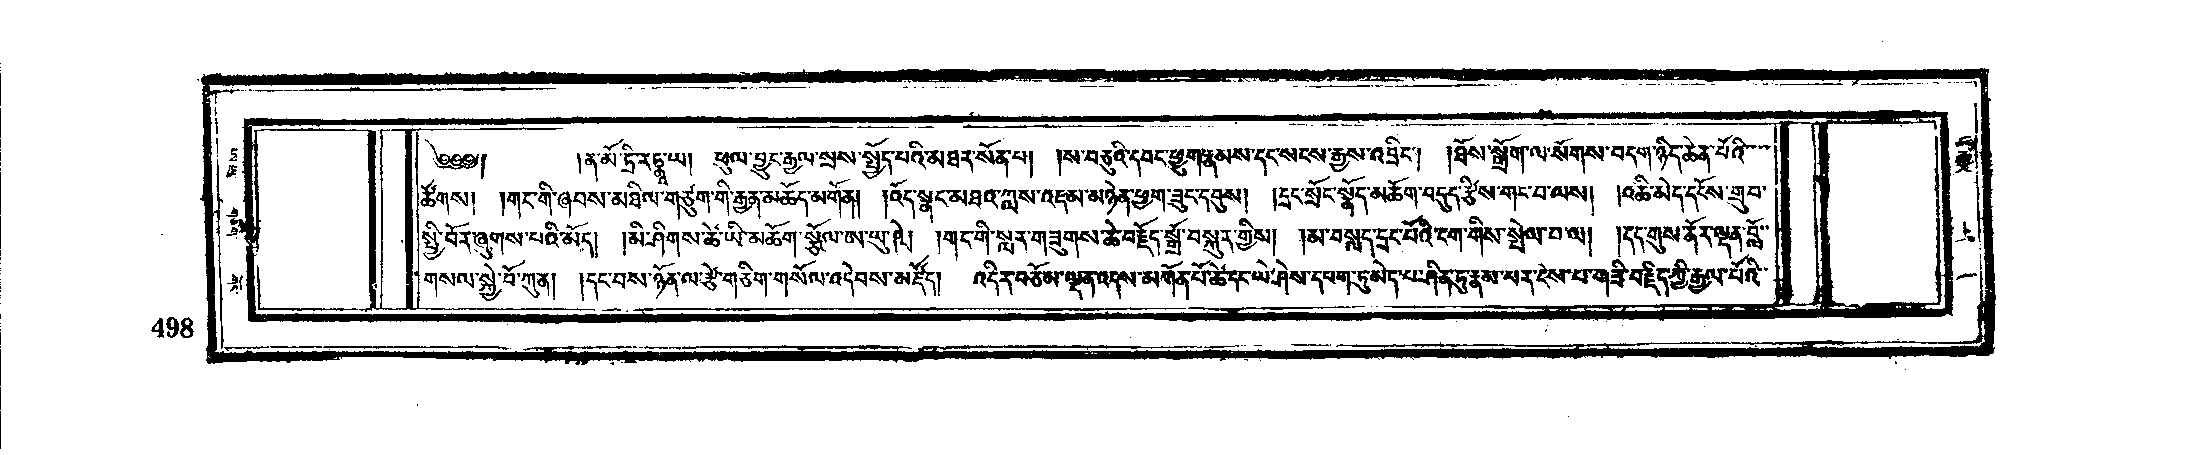༄༅༅། །ན་མོ་ཏྲི་རཏྣཱ་ཡ། ཕུལ་བྱུང་རྒྱལ་སྲས་སྤྱོད་པའི་མཐར་སོན་པ། །ས་བཅུའི་དབང་ཕྱུག་རྣམས་དང་སངས་རྒྱས་འབྲིང་། །ཐོས་སྒྲོག་ལ་སོགས་བདག་ཉིད་ཆེན་པོའི་
ཚོགས། །གང་གི་ཞབས་མཐིལ་གཙུག་གི་རྒྱན་མཆོད་མགོན། །འོད་སྣང་མཐའ་ཀླས་འཇམ་མཉེན་ཕྱག་ཟུང་དབུས། །དྲང་སྲོང་སྣོད་མཆོག་བདུད་རྩིས་གང་བ་ལས། །འཆི་མེད་དངོས་གྲུབ་
སྤྱི་བོར་ཞུགས་པའི་མོད། །མི་ཤིགས་ཚེ་ཡི་མཆོག་སྩོལ་ཨ་ཡུ་ཥེ། །གང་གི་སླར་གཟུགས་ཆེ་བརྗོད་སྒྲོ་བསྐུར་གྱིས། །མ་བསླད་དྲང་པོའི་ངག་གིས་སྤེལ་བ་ལ། །དད་གུས་ནོར་ལྡན་བློ་
གསལ་སྐྱེ་བོ་ཀུན། །དང་བས་ཉོན་ལ་རྩེ་གཅིག་གསོལ་འདེབས་མཛོད། འདིར་བཅོམ་ལྡན་འདས་མགོན་པོ་ཚེ་དང་ཡེ་ཤེས་དཔག་ཏུ་མེད་པ་ཤིན་ཏུ་རྣམ་པར་ངེས་པ་གཟི་བརྗིད་ཀྱི་རྒྱལ་པོའི་